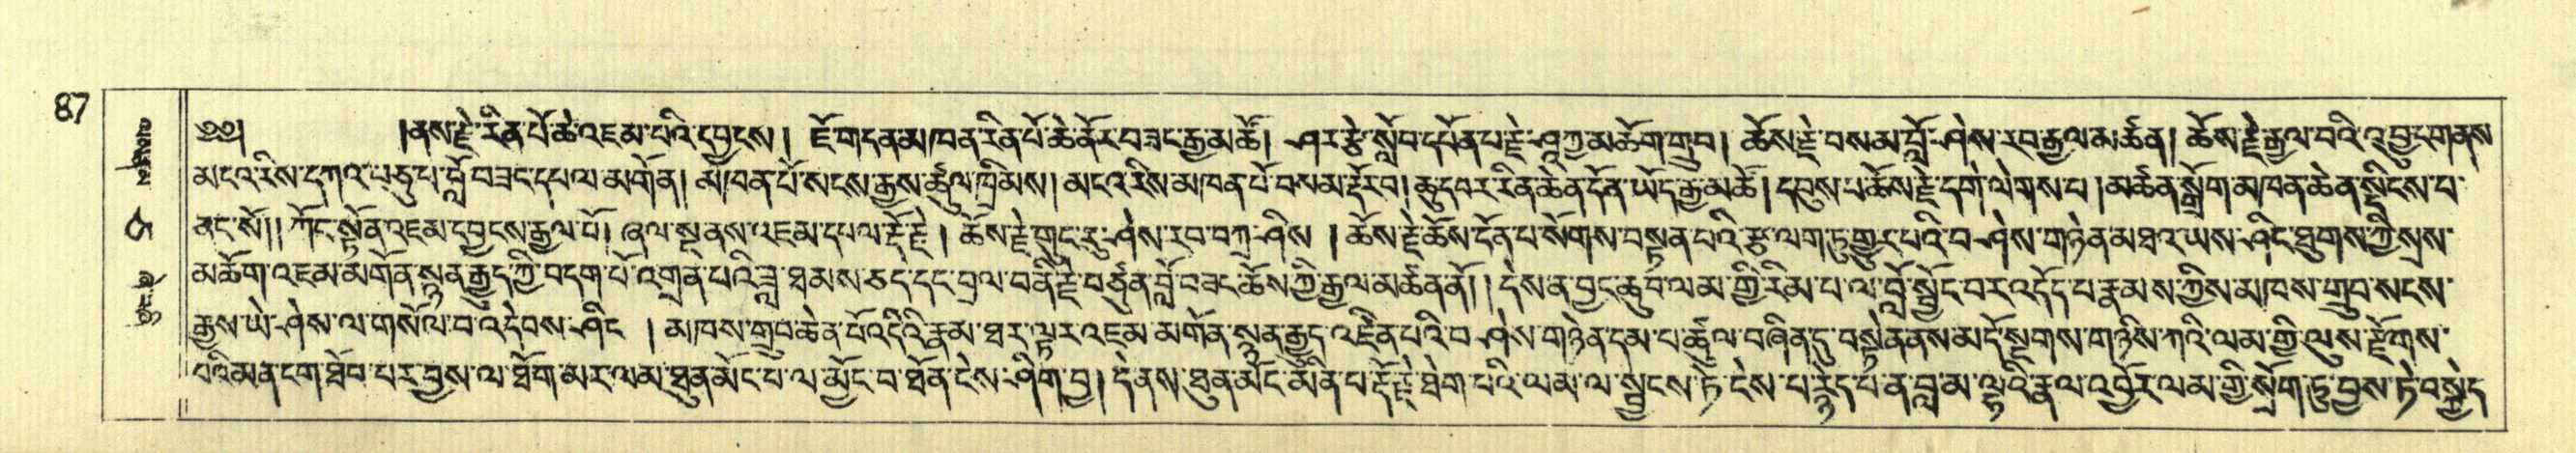༄༅། །ནས་རྗེ་རིན་པོ་ཆེ་འཇམ་པའི་དབྱངས། ཇོ་གདན་མཁན་རིན་པོ་ཆེ་ནོར་བཟང་རྒྱ་མཚོ། ཤར་རྩེ་སློབ་དཔོན་པ་རྗེ་ཤཱཀྱ་མཆོག་གྲུབ། ཆོས་རྗེ་བསམ་བློ་ཤེས་རབ་རྒྱལ་མཚན། ཆོས་རྗེ་རྒྱལ་བའི་འབྱུང་གནས་
མངའ་རིས་དཀའ་བཅུ་པ་བློ་བཟང་དཔལ་མགོན། མཁན་པོ་སངས་རྒྱས་ཚུལ་ཁྲིམས། མངའ་རིས་མཁན་པོ་བསམ་རྡོར་བ། ཆུ་དབར་རིན་ཆེན་དོན་ཡོད་རྒྱ་མཚོ། དབུས་པ་ཆོས་རྗེ་དགེ་ལེགས་པ། མཚན་སྒྲོག་མཁན་ཆེན་སྡིངས་པ་
ནང་སོ། །ཀོང་སྟོན་འཇམ་དབྱངས་རྒྱལ་པོ། ཞལ་སྔ་ནས་འཇམ་དཔལ་རྡོ་རྗེ། ཆོས་རྗེ་གུང་རུ་ཤེས་རབ་བཀྲ་ཤིས་།ཆོས་རྗེ་ཆོས་དོན་པ་སོགས་བསྟན་པའི་རྩ་ལག་ཏུ་གྱུར་པའི་བཤེས་གཉེན་མཐའ་ཡས་ཤིང་ཐུགས་ཀྱི་སྲས་
མཆོག་འཇམ་མགོན་སྙན་རྒྱུད་ཀྱི་བདག་པོ་འགྲན་པའི་ཟླ་ཐམས་ཅད་དང་བྲལ་བ་ནི་རྗེ་བཙུན་བློ་བཟང་ཆོས་ཀྱི་རྒྱལ་མཚན་ནོ། །དེས་ན་བྱང་ཆུབ་ལམ་གྱི་རིམ་པ་ལ་བློ་སྦྱོང་བར་འདོད་པ་རྣམས་ཀྱིས་མཁས་གྲུབ་སངས་
རྒྱས་ཡེ་ཤེས་ལ་གསོལ་བ་འདེབས་ཤིང་། མཁས་གྲུབ་ཆེན་པོ་འདིའི་རྣམ་ཐར་ལྟར་འཇམ་མགོན་སྙན་རྒྱུད་འཛིན་པའི་བཤེས་གཉེན་དམ་པ་ཚུལ་བཞིན་དུ་བསྟེན་ནས་མདོ་སྔགས་གཉིས་ཀའི་ལམ་གྱི་ལུས་རྫོགས་
བའི་མན་ངག་ཐོབ་པར་བྱས་ལ་ཐོག་མར་ལམ་ཐུན་མོང་པ་ལ་མྱོང་བ་ཐོན་ངེས་ཤིག་བྱ། དེ་ནས་ཐུན་མོང་མིན་པ་རྡོ་རྗེ་ཐེག་པའི་ལམ་ལ་སྦྱངས་ཏེ་ངེས་པ་རྙེད་པ་ན་བླ་མ་ལྷའི་རྣལ་འབྱོར་ལམ་གྱི་སྲོག་ཏུ་བྱས་ཏེ་བསྐྱེད་